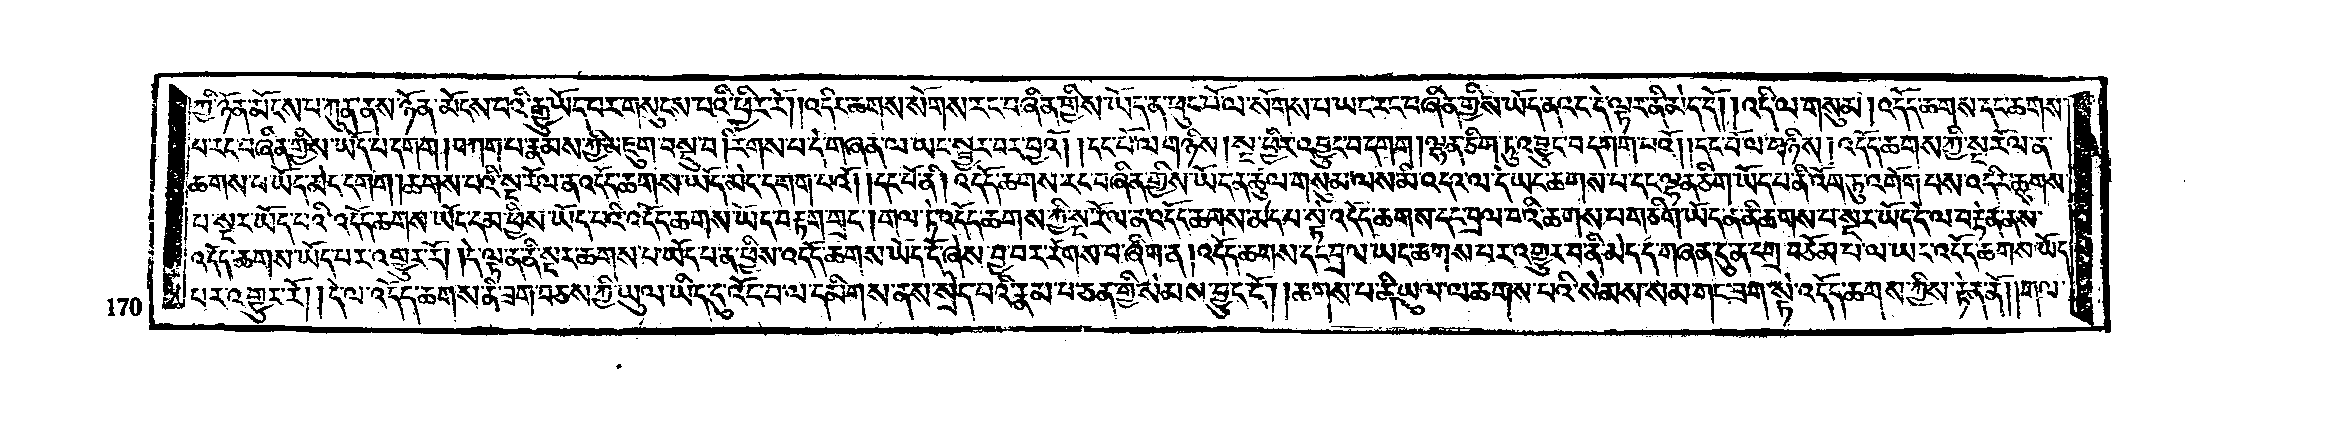ཀྱི་ཉོན་མོངས་པ་ཀུན་ནས་ཉོན་མོངས་པའི་རྒྱུ་ཡོད་པར་གསུངས་པའི་ཕྱིར་རོ། །འདིར་ཆགས་སོགས་རང་བཞིན་གྱིས་ཡོད་ན་ཕུང་པོ་ལ་སོགས་པ་ཡང་རང་བཞིན་གྱིས་ཡོད་ནའང་དེ་ལྟར་ནི་མེད་དོ། །འདི་ལ་གསུམ། འདོད་ཆགས་དང་ཆགས་
པ་རང་བཞིན་གྱིས་ཡོད་པ་དགག། བཀག་པ་རྣམས་ཀྱི་མཇུག་བསྡུ་བ། རིགས་པ་དེ་གཞན་ལ་ཡང་སྦྱར་བར་བྱའོ། །དང་པོ་ལ་གཉིས། སྔ་ཕྱིར་འབྱུང་བ་དགག། ལྷན་ཅིག་ཏུ་འབྱུང་བ་དགག་པའོ། །དང་པོ་ལ་གཉིས། འདོད་ཆགས་ཀྱི་སྔ་རོལ་ན་
ཆགས་པ་ཡོད་མེད་དགག། ཆགས་པའི་སྔ་རོལ་ན་འདོད་ཆགས་ཡོད་མེད་དགག་པའོ། །དང་པོ་ནི། འདོད་ཆགས་རང་བཞིན་གྱིས་ཡོད་ན་ཚུལ་གསུམ་ལས་མི་འདའ་ལ་དེ་ཡང་ཆགས་པ་དང་ལྷན་ཅིག་ཡོད་ན་ནི་ཆགས་པ་སྔར་ཡོད་དེ་ལ་བརྟེན་ནས་
པ་སྔར་ཡོད་པའི་འདོད་ཆགས་ཡོད་དམ་ཕྱིས་ཡོད་པའི་འདོད་ཆགས་ཡོད་བརྟག་གྲང་། གལ་ཏེ་འདོད་ཆགས་ཀྱི་སྔ་རོལ་ན་འདོད་ཆགས་ཀྱི་སྔ་རོལ་ན་འདོད་ཆགས་མེད་པ་སྟེ་འདོད་ཆགས་དང་བྲལ་བའི་ཆགས་པ་གཅིག་ཡོད་ན་ནི་ཆགས་པ་སྔར་ཡོད་དེ་ལ་བརྟེན་ནས་
འདོད་ཆགས་ཡོད་པར་འགྱུར་རོ། །དེ་ལྟ་ན་ནི་སྔར་ཆགས་པ་ཡོད་པ་ན་ཕྱིས་འདོད་ཆགས་ཡོད་དོ་ཞེས་བྱ་བར་རིགས་པ་ཞིག་ན། འདོད་ཆགས་དང་བྲལ་ཡང་ཆགས་པར་འགྱུར་བ་ནི་མེད་ད་གཞན་དུ་ན་དགྲ་བཅོམ་པ་ལ་ཡང་འདོད་ཆགས་ཡོད་
པར་འགྱུར་རོ། །དེ་ལ་འདོད་ཆགས་ནི་ཟག་བཅས་ཀྱི་ཡུལ་ཡིད་དུ་འོང་བ་ལ་དམིགས་ནས་སྲེད་པའི་རྣམ་པ་ཅན་གྱི་སེམས་བྱུང་ངོ། །ཆགས་པ་ནི་ཡུལ་ལ་ཆགས་པའི་སེམས་སམ་གང་ཟག་སྟེ་འདོད་ཆགས་ཀྱིས་རྟེན་ནོ། །གལ་